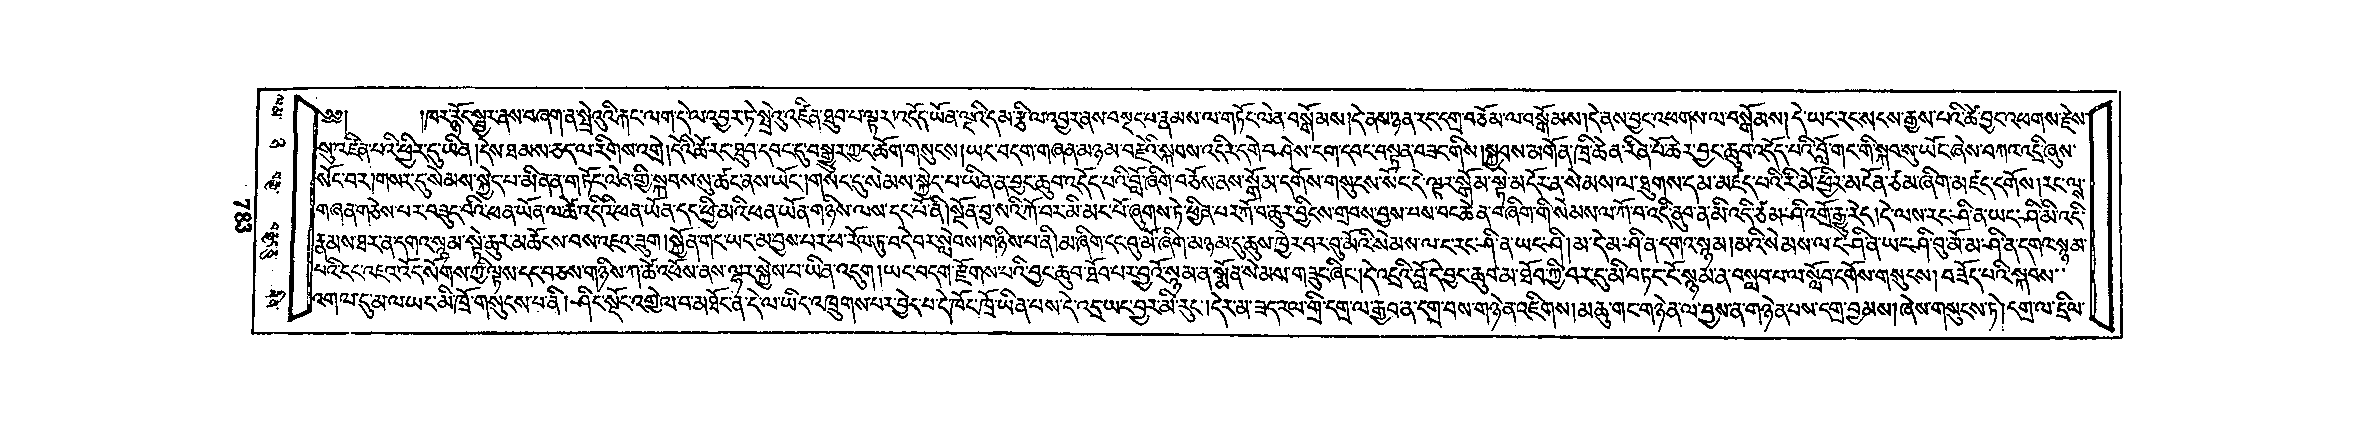༄༅། །ཁར་རྙོང་སྦྱར་ནས་བཞག་ན་སྤྲེའུའི་རྐང་ལག་དེ་ལ་འབྱར་ཏེ་སྤྲེའུ་འཛིན་ཐུབ་པ་ལྟར། འདོད་ཡོན་ལྔའི་དམ་རྩི་ལ་འབྱར་ནས་བསྡད་པ་རྣམས་ལ་གཏོང་ལེན་བསྒོམས། དེ་ནས་ཉན་རང་དགྲ་བཅོམ་ལ་བསྒོམས། དེ་ནས་བྱང་འཕགས་ལ་བསྒོམས། དེ་ཡང་རང་སངས་རྒྱས་པའི་ཚེ་བྱང་འཕགས་རྗེས་
སུ་འཛིན་པའི་ཕྱིར་དུ་ཡིན། དེས་ཐམས་ཅད་ལ་རིགས་འགྲེ་།དེའི་ཚེ་རང་ཐུབ་དབང་དུ་བསྒྱུར་ཀྱང་ཆོག་གསུངས། ཡང་བདག་གཞན་མཉམ་བརྗེའི་སྐབས་འདིར་དགེ་བཤེས་ངག་དབང་བསྟན་བཟང་གིས། སྐྱབས་མགོན་ཁྲི་ཆེན་རིན་པོ་ཆེར་བྱང་ཆུབ་འདོད་པའི་བློ་གང་གི་སྐབས་སུ་ཡོང་ཞེས་བཀའ་འདྲི་ཞུས་
སོང་བར། གསར་དུ་སེམས་སྐྱེད་པ་མིན་ན་གཏོང་ལེན་གྱི་སྐབས་སུ་ཚང་ནས་ཡོང་། གསང་དུ་སེམས་སྐྱེད་པ་ཡིན་ན་བྱང་ཆུབ་འདོད་པའི་བློ་ཞིག་བཅོས་ནས་སྒོམ་དགོས་གསུངས་སོང་དེ་ལྟར་སྒོམ་སྟེ་མདོར་ན་སེམས་ལ་ཐུགས་དམ་མཛད་པའི་རི་མོ་ཕྱིར་མངོན་ཙམ་ཞིག་མཛད་དགོས། རང་ལས་
གཞན་གཅེས་པར་བཟུང་བའི་ཕན་ཡོན་ལ་ཚེ་འདིའི་ཕན་ཡོན་དང་ཕྱི་མའི་ཕན་ཡོན་གཉིས་ལས་དང་པོ་ནི། སྔོན་བྱ་སའི་ཀོ་བར་མི་མང་པོ་ཞུགས་ཏེ་ཕྱིན་པར་ཀོ་བ་ཆུར་བྱིངས་གྲབས་བྱས་པས་བང་ཆེན་བ་ཞིག་གི་སེམས་ལ་ཀོ་བ་འདི་ནུབ་ན་མི་འདི་ཙམ་ཤི་འགྲོ་རྒྱུ་རེད། དེ་ལས་རང་ཤི་ན་ཡང་ཤི་མི་འདི་
རྣམས་ཐར་ན་དགའ་སྙམ་སྟེ་ཆུར་མཆོངས་བས་འཇའ་ཟུག །སྐྱོན་གང་ཡང་མ་བྱས་པར་ཕ་རོལ་ཏུ་བདེ་བར་སླེབས། གཉིས་པ་ནི། མ་ཞིག་དང་བུ་མོ་ཞིག་མཉམ་དུ་ཆུས་ཁྱེར་བར་བུ་མོའི་སེམས་ལ་ང་རང་ཤི་ན་ཡང་ཤི། མ་དེ་མ་ཤི་ན་དགའ་སྙམ། མའི་སེམས་ལ་ང་ཤི་ན་ཡང་ཤི་བུ་མོ་མ་ཤི་ན་དགའ་སྙམ་
པའི་ངང་འཇའ་འོད་སོགས་ཀྱི་ལྟས་དང་བཅས་གཉིས་ཀ་ཚེ་འཕོས་ནས་ལྷར་སྐྱེས་པ་ཡིན་འདུག །ཡང་བདག་རྫོགས་པའི་བྱང་ཆུབ་ཐོབ་པར་བྱའོ་སྙམ་ན་སྨོན་སེམས་གཟུང་ཞིང་། དེ་འདྲའི་བློ་དེ་བྱང་ཆུབ་མ་ཐོབ་ཀྱི་བར་དུ་མི་བཏང་ངོ་སྙམ་ན་བསླབ་པ་ལ་སློབ་དགོས་གསུངས། བཟོད་པའི་སྐབས་
འགལ་དུ་མ་ལ་ཡང་མི་ཁྲོ་གསུངས་པ་ནི། ཤིང་སྡོང་འགྱེལ་བ་མཐོང་ན་དེ་ལ་ཡིད་འཁྲུགས་པར་བྱེད་པ་དེ་ཁོང་ཁྲོ་ཡིན་པས་དེ་འདྲ་ཡང་བྱར་མི་རུང་། དེར་མ་ཟད་རལ་གྲི་དགྲ་ལ་རྒྱབ་ན་དགྲ་བས་གཉེན་འཇིགས། མཆུ་གང་གཉེན་ལ་བྱས་ན་གཉེན་པས་དགྲ་བྱམས། ཞེས་གསུངས་ཏེ། དགྲ་ལ་དྲིལ་